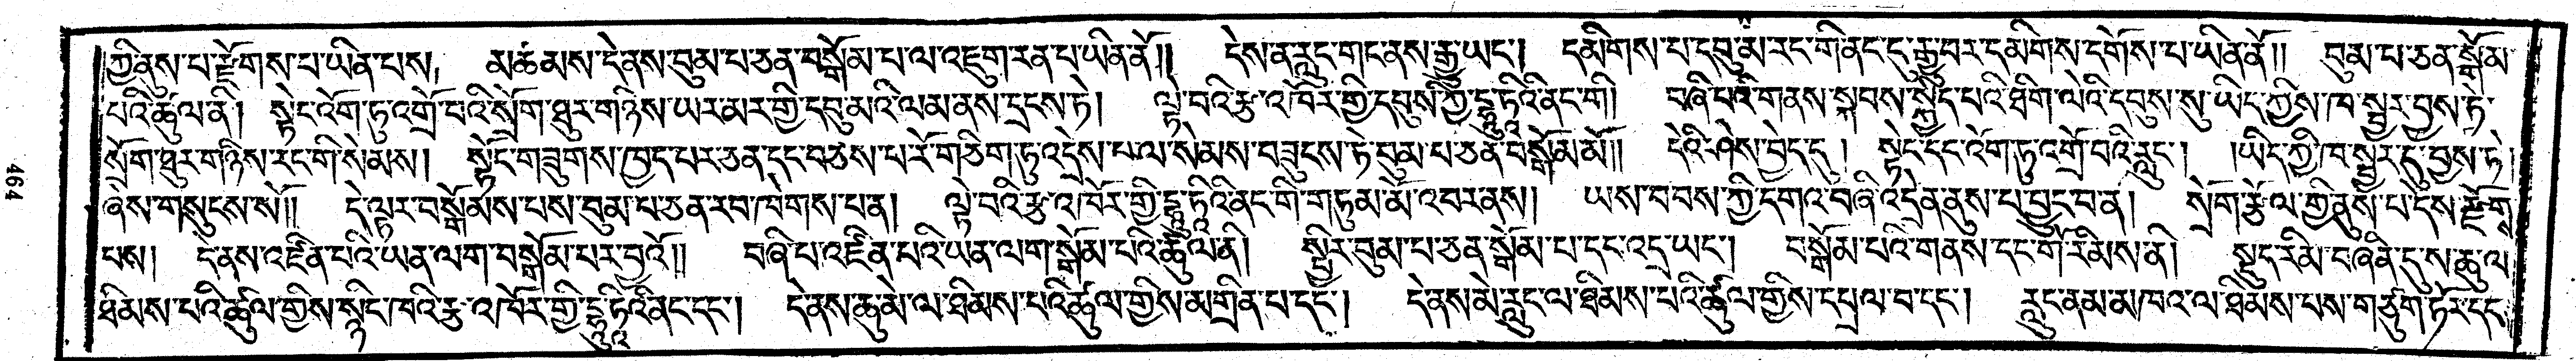ཀྱི་ནུས་པ་རྫོགས་པ་ཡིན་པས། མཚམས་དེ་ནས་བུམ་པ་ཅན་བསྒོམ་པ་ལ་འཇུག་རན་པ་ཡིན་ནོ།། དེས་ན་རླུང་གང་ནས་རྒྱུ་ཡང་། དམིགས་པ་དབུ་མ་རང་གི་ནང་དུ་རྒྱུ་བར་དམིགས་དགོས་པ་ཡིན་ནོ།། བུམ་པ་ཅན་སྒོམ་
པའི་ཚུལ་ནི། སྟེང་འོག་ཏུ་འགྲོ་པའི་སྲོག་ཐུར་གཉིས་ཡར་མར་གྱི་དབུ་མའི་ལམ་ནས་དྲངས་ཏེ། ལྟེ་བའི་རྩ་འཁོར་གྱི་དབུས་ཀྱི་དྷཱུ་ཏིའི་ནང་གི། བཞི་པའི་གནས་སྐབས་སྐྱིད་པའི་ཐིག་ལེའི་དབུས་སུ་ཡིད་ཀྱིས་ཁ་སྦྱར་བྱས་ཏེ་
སྲོག་ཐུར་གཉིས་རང་གི་སེམས། སྟོང་གཟུགས་ཁྱད་པར་ཅན་དང་བཅས་པ་རོ་གཅིག་ཏུ་འདྲེས་པ་ལ་སེམས་བཟུངས་ཏེ་བུམ་པ་ཅན་བསྒོམ་མོ།། དེའི་ཤེས་བྱེད་དུ། སྟེང་དང་འོག་ཏུ་འགྲོ་བའི་རླུང་། །ཡིད་ཀྱི་ཁ་སྦྱར་དུ་བྱས་ཏེ།
ཞེས་གསུངས་སོ།། དེ་ལྟར་བསྒོམས་པས་བུམ་པ་ཅན་རབ་ཁེགས་པ་ན། ལྟེ་བའི་རྩ་འཁོར་གྱི་དྷཱུ་ཏཱིའི་ནང་གི་གཏུམ་མོ་འབར་ནས། ཡས་བབས་ཀྱི་དགའ་བཞི་འདྲེན་ནུས་པ་བྱུང་བ་ན། སྲོག་རྩོལ་གྱི་ནུས་པ་དེས་རྫོགས་
པས། དེ་ནས་འཛིན་པའི་ཡན་ལག་བསྒོམ་པར་བྱའོ། །བཞི་པ་འཛིན་པའི་ཡན་ལག་སྒོམ་པའི་ཚུལ་ནི། སྦྱིར་བུམ་པ་ཅན་སྒོམ་པ་དང་འདྲ་ཡང་། བསྒོམ་པའི་གནས་དང་གོ་རིམས་ནི། སྡུད་རིམ་བཞིན་དུས་ཆུ་ལ་
ཐིམས་པའི་ཚུལ་གྱིས་སྙིང་ཁའི་རྩ་འཁོར་གྱི་དྷཱུ་ཏཱིའི་ནང་དང་། དེ་ནས་ཆུ་མེ་ལ་ཐིམས་པའི་ཚུལ་གྱིས་མགྲིན་པ་དང་། དེ་ནས་མེ་རླུང་ལ་ཐིམས་པའི་ཚུལ་གྱིས་དཔྲལ་བ་དང་། རླུང་ནམ་མཁའ་ལ་ཐིམས་པས་གཙུག་ཏོར་དང་